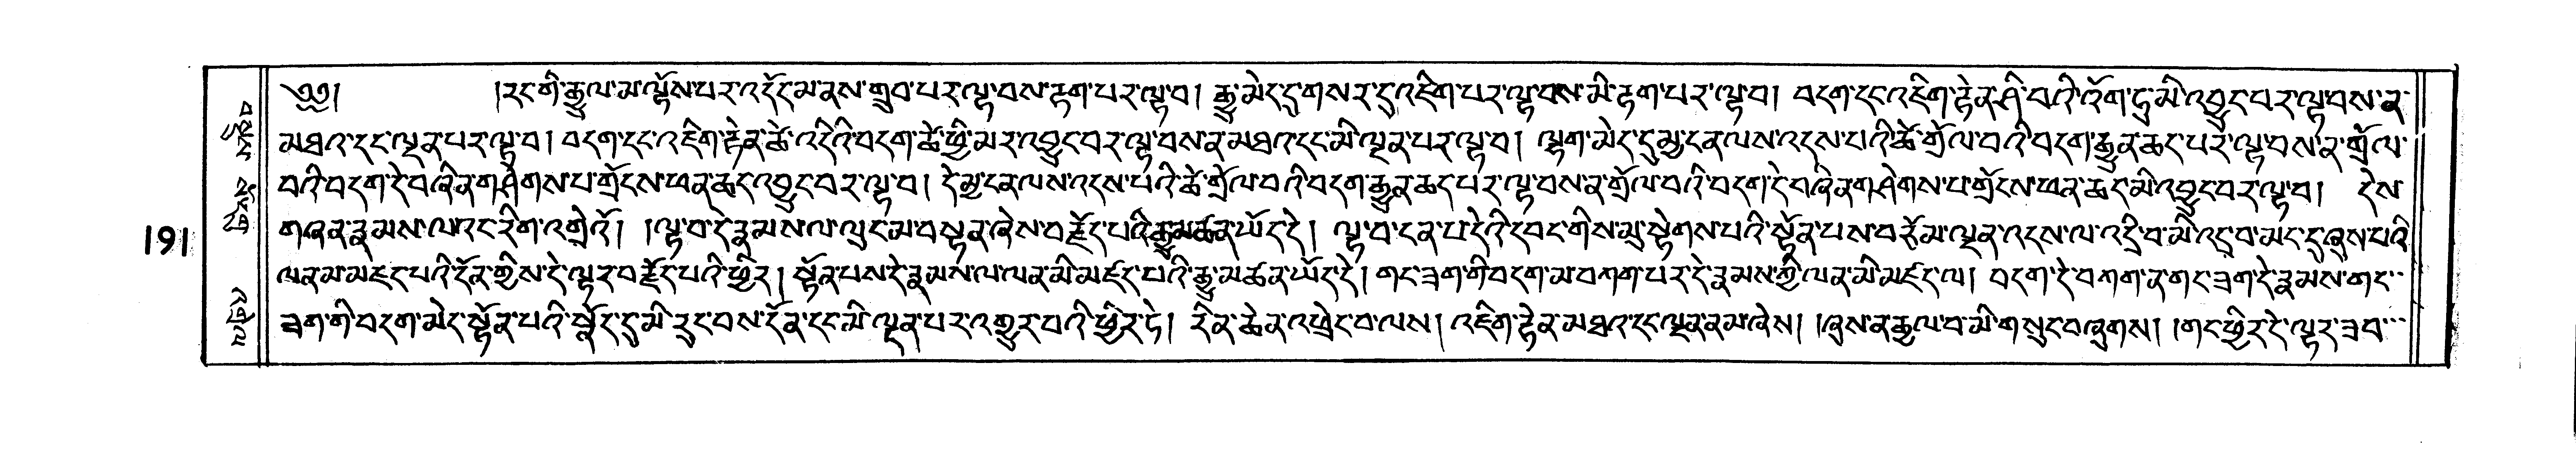༄༅། །རང་གི་རྒྱུ་ལ་མ་ལྟོས་པར་འདོད་མ་ནས་གྲུབ་པར་ལྟ་བས་རྟག་པར་ལྟ་བ། རྒྱུ་མེད་དུ་གསར་དུ་འཇིག་པར་ལྟ་བས་མི་རྟག་པར་ལྟ་བ། བདག་དང་འཇིག་རྟེན་ཤི་བའི་འོག་ཏུ་མི་འབྱུང་བར་ལྟ་བས་ན་
མཐའ་དང་ལྡན་པར་ལྟ་བ། བདག་དང་འཇིག་རྟེན་ཚེ་འདིའི་བདག་ཚེ་ཕྱི་མར་འབྱུང་བར་ལྟ་བས་ན་མཐའ་དང་མི་ལྡན་པར་ལྟ་བ། ལྷག་མེད་དུ་མྱ་ངན་ལས་འདས་པའི་ཚེ་གྲོལ་བའི་བདག་རྒྱུན་ཆད་པར་ལྟ་བས་ན་གྲོལ་
བའི་བདག་དེ་བཞིན་གཤེགས་པ་གྲོངས་ཕན་ཆད་འབྱུང་བར་ལྟ་བ། དེ་མྱ་ངན་ལས་འདས་པའི་ཚེ་གྲོལ་བའི་བདག་རྒྱུན་ཆད་པར་ལྟ་བས་ན་གྲོལ་བའི་བདག་དེ་བཞིན་གཤེགས་པ་གྲོངས་ཕན་ཆད་མི་འབྱུང་བར་ལྟ་བ། དེས་
གཞན་རྣམས་ལའང་རིག་འགྲེའོ། །ལྟ་བ་དེ་རྣམས་ལ་ལུང་མ་བསྟན་ཞེས་བརྗོད་པའི་རྒྱུ་མཚན་ཡོད་དེ། ལྟ་བ་ངན་པ་དེའི་དབང་གིས་མུ་སྟེགས་པའི་སྟོན་པས་བཅོམ་ལྡན་འདས་ལ་འདྲི་བ་མི་འདྲ་བ་མང་དུ་ཞུས་པའི་
ལན་མ་མཇད་པའི་དོན་གྱིས་དེ་ལྟར་བརྗོད་པའི་ཕྱིར། སྟོན་པས་དེ་རྣམས་ལ་ལན་མི་མཛད་པའི་རྒྱུ་མཚན་ཡོད་དེ། གང་ཟག་གི་བདག་མ་བཀག་པར་དེ་རྣམས་ཀྱི་ལན་མི་མཛད་ལ། བདག་དེ་བཀག་ན་གང་ཟག་དེ་རྣམས་གང་
ཟག་གི་བདག་མེད་སྟོན་པའི་སྣོད་དུ་མི་རུང་བས་དོན་དང་མི་ལྡན་པར་འགྱུར་བའི་ཕྱིར་ཏེ། རིན་ཆེན་འཕྲེང་བ་ལས། འཇིག་རྟེན་མཐའ་དང་ལྡན་ནམ་ཞེས། །ཞུས་ན་རྒྱལ་བ་མི་གསུང་བཞུགས། །གང་ཕྱིར་དེ་ལྟར་ཟབ་